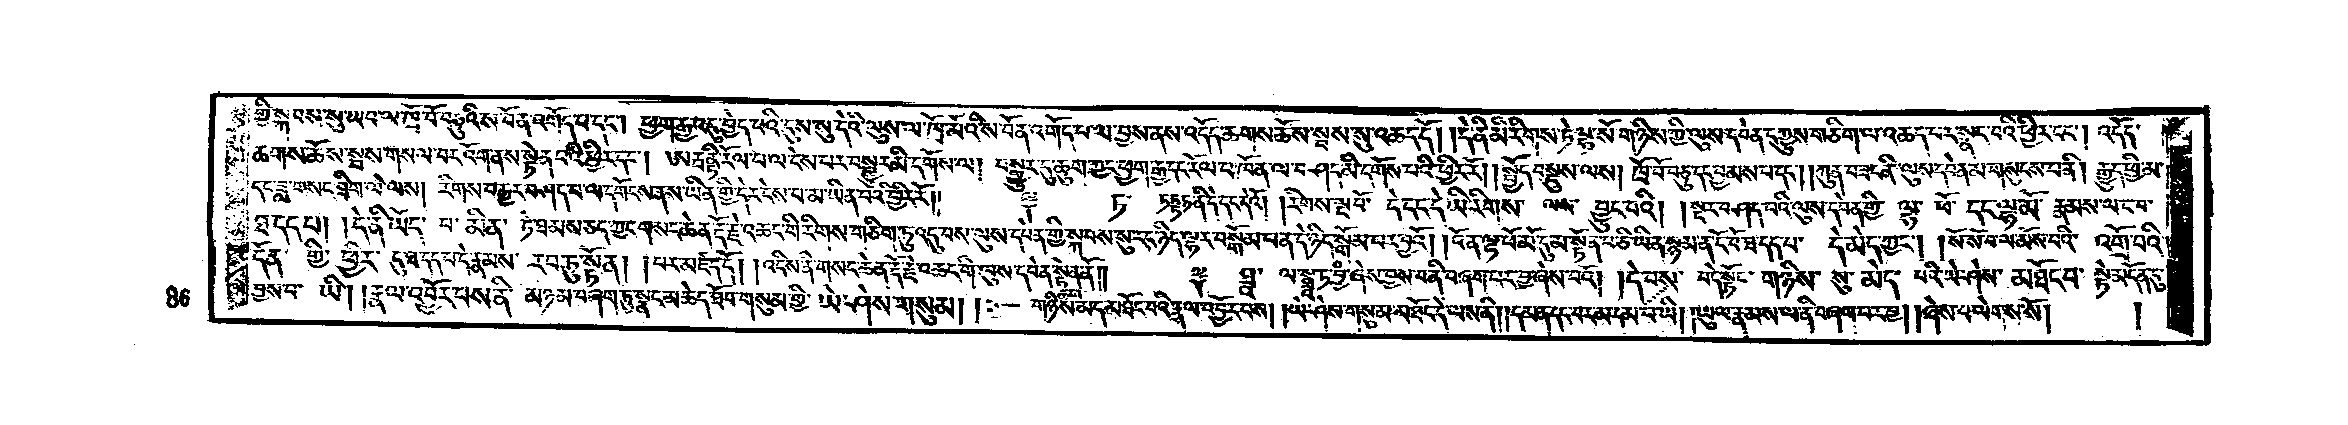གྱི་སྐབས་སུ་ཡབ་ལ་ཁྲོ་བོ་བཅུའི་ས་བོན་འགོད་པ་དང་། ཕྱག་རྒྱ་འདུ་བྱེད་པའི་དུས་སུ་དེའི་ལུས་ལ་ཁྲོ་མོའི་ས་བོན་འགོད་པ་ལ་བྱས་ནས་འདོད་ཆགས་ཆོས་སྦས་སུ་འཆད་དོ། །དེ་ནི་མི་རིགས་ཏེ་ལྷ་སོ་གཉིས་ཀྱི་ལུས་དབེན་དཀྱུས་གཅིག་ལ་འཆད་པར་སྣང་བའི་ཕྱིར་དང་། འདོད་
ཆགས་ཆོས་སྦས་གསལ་བར་འོག་ནས་སྟོན་པའི་ཕྱིར་དང་། ཨརྦ་ནྟི་རོལ་པ་ལ་ངེས་པར་བསྒྱུར་མི་དགོས་ལ། བསྒྱུར་དུ་ཆུག་ཀྱང་ཕྱག་རྒྱ་དང་རོལ་པ་ཁོ་ན་ལ་བཤད་མི་དགོས་པའི་ཕྱིར་རོ། །སྤྱོད་བསྡུས་ལས། ཁྲོ་བོ་བཅུ་དང་བྱམས་པ་དང་། །ཀུན་བཟང་གི་ལུས་དབེན་མ་གསུངས་པ་ནི། རྒྱུད་ཕྱི་མ་
དང་ཟླ་གསང་ཐིག་ལེ་ལས། རིགས་བརྒྱར་བཤད་པ་ལ་དགོངས་ནས་ཡིན་གྱི་དེར་ངེས་པ་མ་ཡིན་པའི་ཕྱིར་རོ།། ༈ ཏ་ཏ་ཏྟ་ཏ་ནི་དེ་དང་དེའོ། །རིགས་ལྔ་པོ་དེ་དང་དེ་ཡི་རིགས་ལས་བྱུང་བའི། ། སྔར་བཤད་པའི་ལུས་དབེན་གྱི་ལྷ་ཕོ་དང་ལྷ་མོ་རྣམས་ལ་ངོ་བོ
ཐ་དད་པ། །དེ་ནི་ཡོད་པ་མིན་ཏེ་ཐམས་ཅད་ཀྱང་གསང་ཆེན་རྡོ་རྗེ་འཆང་གི་རིགས་གཅིག་ཏུ་འདུ་བས་ལུས་དབེན་གྱི་སྐབས་སུ་རང་ཉིད་ལྷར་བསྒོམ་པ་ན་དེ་ཉིད་སྒོམ་པར་བྱའོ། །འོ་ན་ལྷ་ཕོ་མོ་དུ་མ་སྟོན་པ་ཅི་ཡིན་སྙམ་ན་ངོ་བོ་ཐ་དད་པ་དེ་མེད་ཀྱང་། ། སོ་སོ་བ་ལ་མོས་པའི་འགྲོ་བའི་
དོན་གྱི་ཕྱིར་དུ་ཐ་དད་པ་དེ་རྣམས་རབ་ཏུ་སྟོན། ། པར་མཛད་དོ། །འདིས་ནི་གསང་ཆེན་རྡོ་རྗེ་འཆང་གི་ལུས་དབེན་སྟོན་ནོ།།  ༈ ཐཱ་ལ་སྠཱ་ཏ་བྱཾ་ཞེས་བྱས་པ་ནི་བཞག་པར་བྱ་ཞེས་པའོ།  །དེ་བས་བདེ་སྟོང་གཉིས་སུ་མེད་པའི་ཡེ་ཤེས་མཐོང་བ་སྟེ་མངོན་དུ་
བྱས་པ་ཡི། །རྣལ་འབྱོར་བས་ནི་མཉམ་བཞག་ཏུ་སྣང་མཆེད་ཐོབ་གསུམ་གྱི་ཡེ་ཤེས་གསུམ། །H.་གཉིས་མེད་མཐོང་བའི་རྣལ་འབྱོར་པས། །ཡེ་ཤེས་གསུམ་མཐོང་དེ་ལས་ནི། །དམན་དང་བར་མཇལ་བ་ཡི། །ཡུལ་རྣམས་ལ་ནི་བཞག་པར་བྱ། །ཞེས་པ་ལེགས་སོ། །